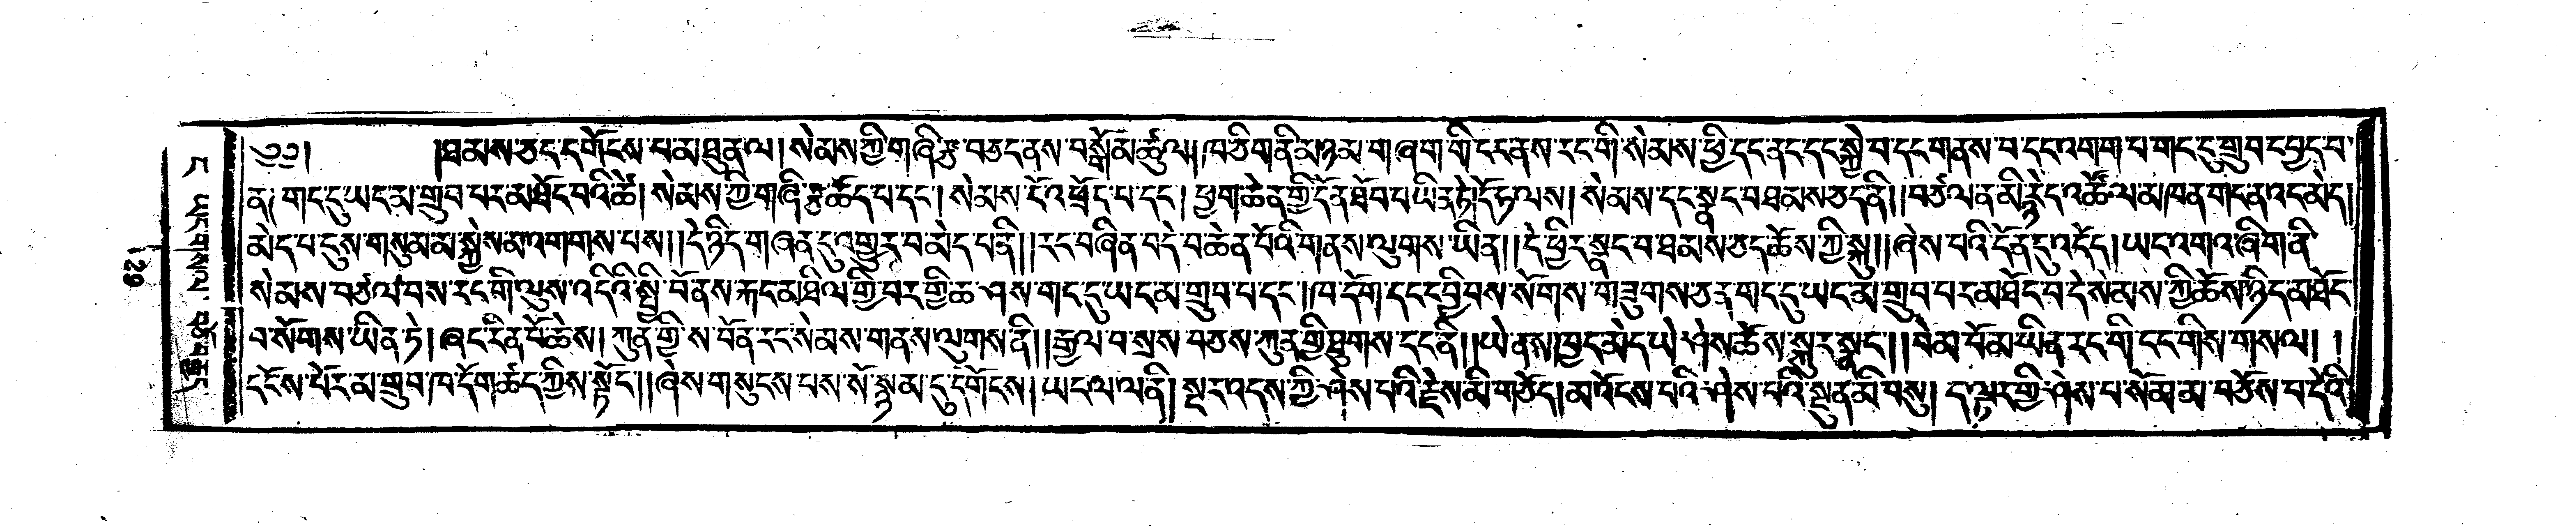༄༅། །ཐམས་ཅད་དགོངས་པ་མི་ཐུན་ལ། སེམས་ཀྱི་གཞི་རྩ་བཅད་ནས་བསྒོམ་ཚུལ། ཁ་ཅིག་ནི་མཉམ་གཞག་གི་ངང་ནས་རང་གི་སེམས་ཕྱི་དང་ནང་དང་སྐྱེ་བ་དང་གནས་པ་དང་འགག་པ་གང་དུ་གྲུབ་དཔྱད་པ་
ན། གང་དུ་ཡང་མ་གྲུབ་པར་མཐོང་བའི་ཚེ། སེམས་ཀྱི་གཞི་རྩ་ཆད་པ་དང་། སེམས་ངོ་འཕྲོད་པ་དང་། ཕྱག་ཆེན་གྱི་དོན་ཐོབ་པ་ཡིན་ཏེ། དོ་ཧ་ལས། སེམས་དང་སྣང་བ་ཐམས་ཅད་ནི། །བཙལ་ན་མི་རྙེད་འཚོལ་མཁན་གང་ནའང་མེད།
མེད་པ་དུས་གསུམ་མ་སྐྱེས་མ་འགགས་པས། །དེ་ཉིད་གཞན་དུ་འགྱུར་བ་མེད་པ་ནི། །རང་བཞིན་བདེ་བ་ཆེན་པོའི་གནས་ལུགས་ཡིན། །དེ་ཕྱིར་སྣང་བ་ཐམས་ཅད་ཆོས་ཀྱི་སྐུ། །ཞེས་པའི་དོན་དུ་འདོད། ཡང་འགའ་ཞིག་ནི་
སེམས་བཙལ་བས་རང་གི་ལུས་འདིའི་སྤྱི་བོ་ནས་རྐང་མཐིལ་གྱི་བར་གྱི་ཆ་ཤས་གང་དུ་ཡང་མ་གྲུབ་པ་དང་། ཁ་དོག་དང་དབྱིབས་སོགས་གཟུགས་ཅན་གང་དུ་ཡང་མ་གྲུབ་པར་མཐོང་བ་དེ་སེམས་ཀྱི་ཆོས་ཉིད་མཐོང་
བ་སོགས་ཡིན་ཏེ། ཞང་རིན་པོ་ཆེས། ཀུན་གྱི་ས་བོན་རང་སེམས་གནས་ལུགས་ནི། །རྒྱལ་བ་སྲས་བཅས་ཀུན་གྱི་ཐུགས་དང་ནི། །ཡེ་ནས་ཁྱད་མེད་ཡེ་ཤེས་ཆོས་སྐུར་སྣང་། །བེམ་པོ་མ་ཡིན་རང་གི་ངང་གིས་གསལ། །
དངོས་པོར་མ་གྲུབ་ཁ་དོག་ཚད་ཀྱིས་སྟོད། །ཞེས་གསུངས་པས་སོ་སྙམ་དུ་དགོངས། ཡང་ལ་ལ་ནི། སྔར་འདས་ཀྱི་ཤེས་པའི་རྗེས་མི་གཅོད། མ་འོངས་པའི་ཤེས་པའི་སྡུན་མི་བསུ། ད་ལྟར་གྱི་ཤེས་པ་སོམ་མ་བཅོས་པ་དེའི་